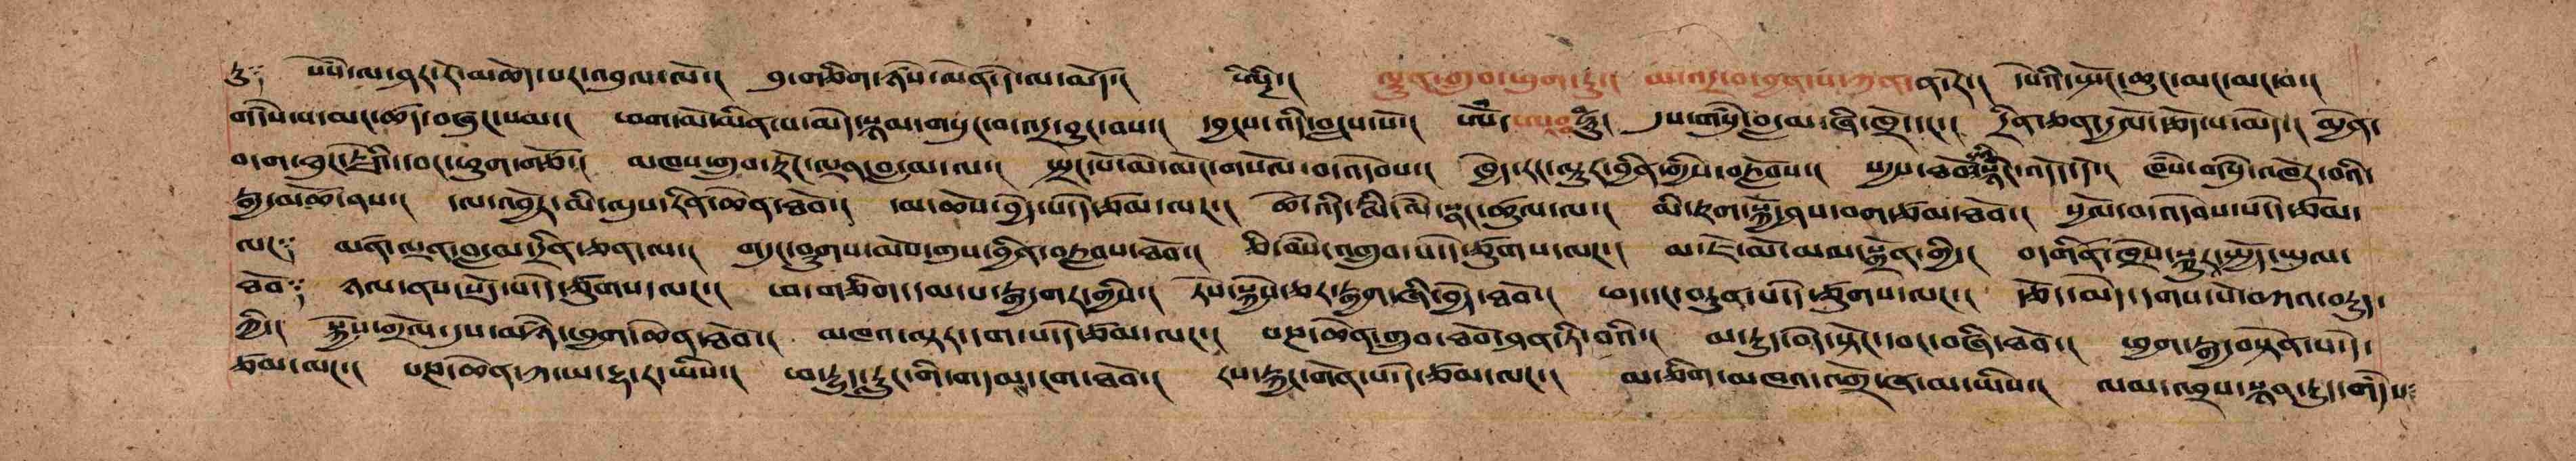ཏུ༑ སེམས་ལ་ཤར་རོ་མཆོད་པར་འབུལ་ལོ། བུ་གཅིག་ཉམས་ལེན་དེ་ལ་མཛོད། ཨིཊི། ལྷུན་གྲུབ་ཕུག་ཏུ། མ་འདྲ་བ་བྱན་པ་ཀུན་ན་རེ། དཔེའི་སྤོང་ཆུང་མང་མང་བ། 
གདམས་ས་མང་ཚད་བཞུངས་སམ། ཕག་མོ་མིན་པས་མེད་སྙམ་གསུང་བ་འདྲ་བྱུང་བས། དབྱངས་འདི་བླངས་སོ། ཨོཾ་ཨཿཧཱུཾ། དུས་གསུམ་བླ་མ་ཞི་ཁྲོ་དང་། དྲིན་ཅན་རྒྱལ་པོ་རྩོད་པ་མེད། མྱེན་
བདག་ཐུགས་རྗེའི་དབང་ཕྱུག་གཙོ། མཁས་གྲུབ་རྟོགས་ལྡན་བླ་མ་ལ། སྤྲང་པོ་མེ་ལོང་གསོལ་བ་འདེབས། ཁྱེད་རང་ལྟ་བུར་བྱིན་གྱིས་བརློབས། སངས་རྒྱས་ཐོབ་པའི་སྙིང་འདོད་དོ། ཁམས་གསུམ་འཁོར་བའི་
རྒྱ་མཚོ་ནས། དལ་འབྱོར་མི་ལུས་རིན་ཆེན་ཐོབ། དམ་ཆོས་བྱེད་པ་དེ་ཙམ་ལགས་། ཚེ་འདི་རྨི་ལམ་སྣང་ཚུལ་ལ། མི་རྟག་སྐྱོ་ནས་བག་ཙམ་ཐོབ། གསོལ་བ་འདེབས་སོ་དེ་ཙམ་
ལགས༑ མཚན་ལྡན་བླ་མ་དྲིན་ཆེན་ལ། གདུང་ཤུགས་མོས་གོས་བྱིན་རླབས་ཐོབ། ཅི་བསམ་འགྲུབ་པ་དེ་ཙུགས་ལགས། མ་ཇོ་མོ་མམ་སྒྲོན་གྱི། བདག་འཛིན་ཁྲོས་སྐུར་སྤྱོད་ཡུལ་
ཐོབ༑ ཉལ་ནས་སྡོད་པ་དེ་ཙུགས་ལགས། ཕ་གཅིག་དམ་པ་རྒྱ་གར་གྱིས། རོས་སྐྱེས་རྩར་རྒྱག་ཞི་བྱེད་ཐོབ། ཕད་དང་བཏུན་པ་དེ་ཙུགས་ལགས། རྩོད་མེད་དགས་པོ་བཀའ་བརྒྱུད་
ཀྱི། སྐྱེས་གྲོལ་དུས་མཉམ་ཕྱག་ཆེན་ཐོབ། མཁའ་ལྟར་དག་པ་དེ་ཙམ་ལགས། པཎ་ཆེན་གྲུབ་ཐོབ་ཤན་ཏི་བའི། མ་དྱུད་བདེ་སྟོང་དབང་བཞི་ཐོབ། ཕྱག་རྒྱ་བསྟེན་པ་དེ་
ཙམ་ལགས། པཎ་ཆེན་ཀ་ཡ་དྷ་ར་ཡིས། ཕ་དྱུད་རླུང་གི་གདམས་ངག་ཐོབ། རས་རྐྱང་གོན་པ་དེ་ཙམ་ལགས། མ་ཅིག་མཁའ་འགྲོ་ཞ་མ་ཡིས། ལམ་འབྲས་སྙན་རྒྱུད་གདམས་